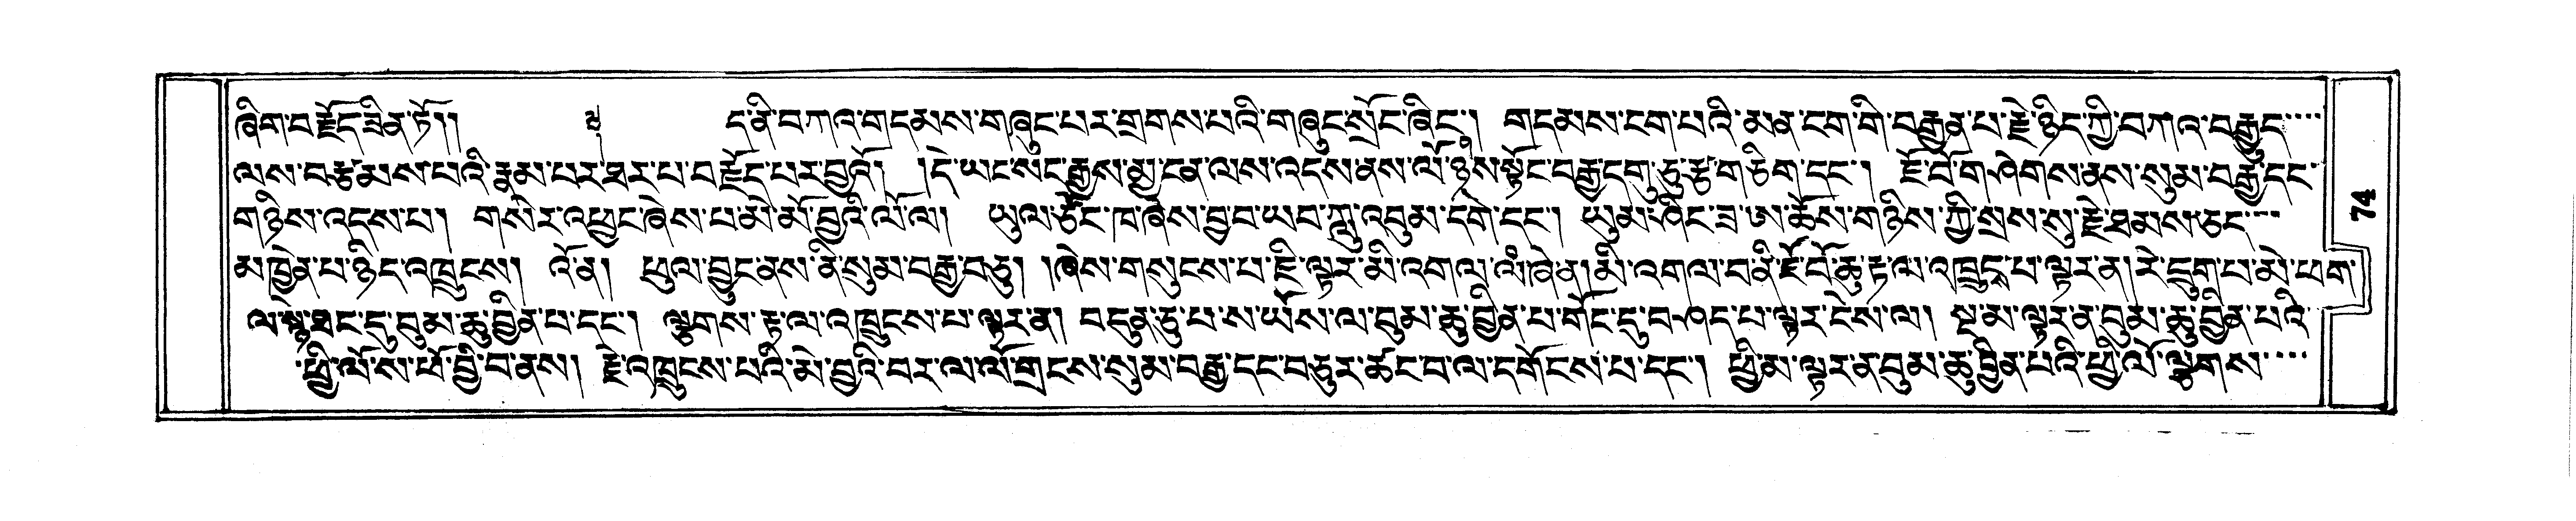ཞིག་བརྗོད་ཟིན་ཏོ།། ༈ ད་ནི་བཀའ་གདམས་གཞུང་པར་གྲགས་པའི་གཞུང་སྲོང་ཞིང་། གདམས་ངག་པའི་མན་ངག་གི་བརྒྱན་པ་རྗེ་ཉིད་ཀྱི་བཀའ་བརྒྱུད་
ལས་བརྩམས་པའི་རྣམ་པར་ཐར་པ་བརྗོད་པར་བྱའོ། །དེ་ཡང་སངས་རྒྱས་མྱ་ངན་ལས་འདས་ནས་ལོ་ཉིས་སྟོང་བརྒྱ་དགུ་ཅུ་རྩ་གཅིག་དང་། ཇོ་བོ་གཤེགས་ནས་སུམ་བརྒྱ་དང་
གཉིས་འདས་པ། གསེར་འཕྱང་ཞེས་པ་མེ་མོ་བྱའི་ལོ་ལ། ཡུལ་ཙོང་ཁ་ཞེས་བྱ་བ་ཡབ་ཀླུ་འབུམ་དགེ་དང་། ཡུམ་ཤིང་ཟ་ཨ་ཆོས་གཉིས་ཀྱི་སྲས་སུ་རྗེ་ཐམས་ཅད་
མཁྱེན་པ་ཉིད་འཁྲུངས། འོ་ན། ཕུལ་བྱུང་ནས་ནི་སུམ་བརྒྱ་བཅུ། །ཞེས་གསུངས་པ་ཇི་ལྟར་མི་འགལ་ལཾ་ཞེ་ན། མི་འགལ་བ་ནི་ཇོ་བོ་ཆུ་རྟ་ལ་འཁྲུངས་པ་ལྟར་ན། རེ་དྲུག་པ་མེ་ཕག་
ལ་སྙེ་ཐང་དུ་བུམ་ཆུ་བྱིན་པ་དང་། ལྕགས་རྟ་ལ་འཁྲུངས་པ་ལྟར་ན། བདུན་ཅུ་པ་ས་ཡོས་ལ་བུམ་ཆུ་བྱིན་པ་གོང་དུ་བཤད་པ་ལྟར་ངེས་ལ། སྔ་མ་ལྟར་ན་བུམ་ཆུ་བྱིན་པའི་
ཕྱི་ལོ་ས་ཕོ་བྱི་བ་ནས། རྗེ་འཁྲུངས་པའི་མེ་བྱའི་བར་ལ་ལོ་གྲངས་སུམ་བརྒྱ་དང་བཅུར་ཚང་བ་ལ་དགོངས་པ་དང་། ཕྱི་མ་ལྟར་ན་བུམ་ཆུ་བྱིན་པའི་ཕྱི་ལོ་ལྕགས་